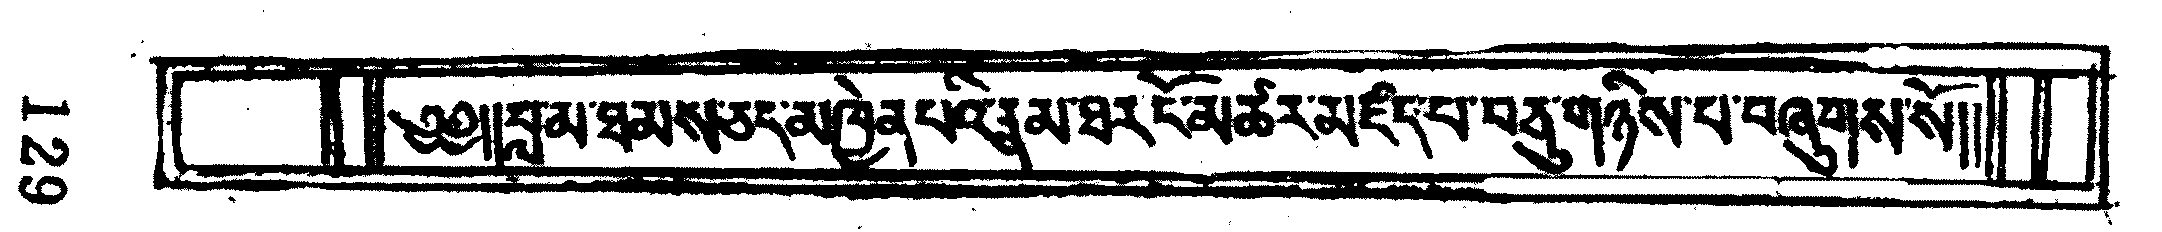༄༅། །བླ་མ་ཐམས་ཅད་མཁྱེན་པའི་རྣམ་ཐར་ངོ་མཚར་མཛད་པ་བཅུ་གཉིས་པ་བཞུགས་སོ།།